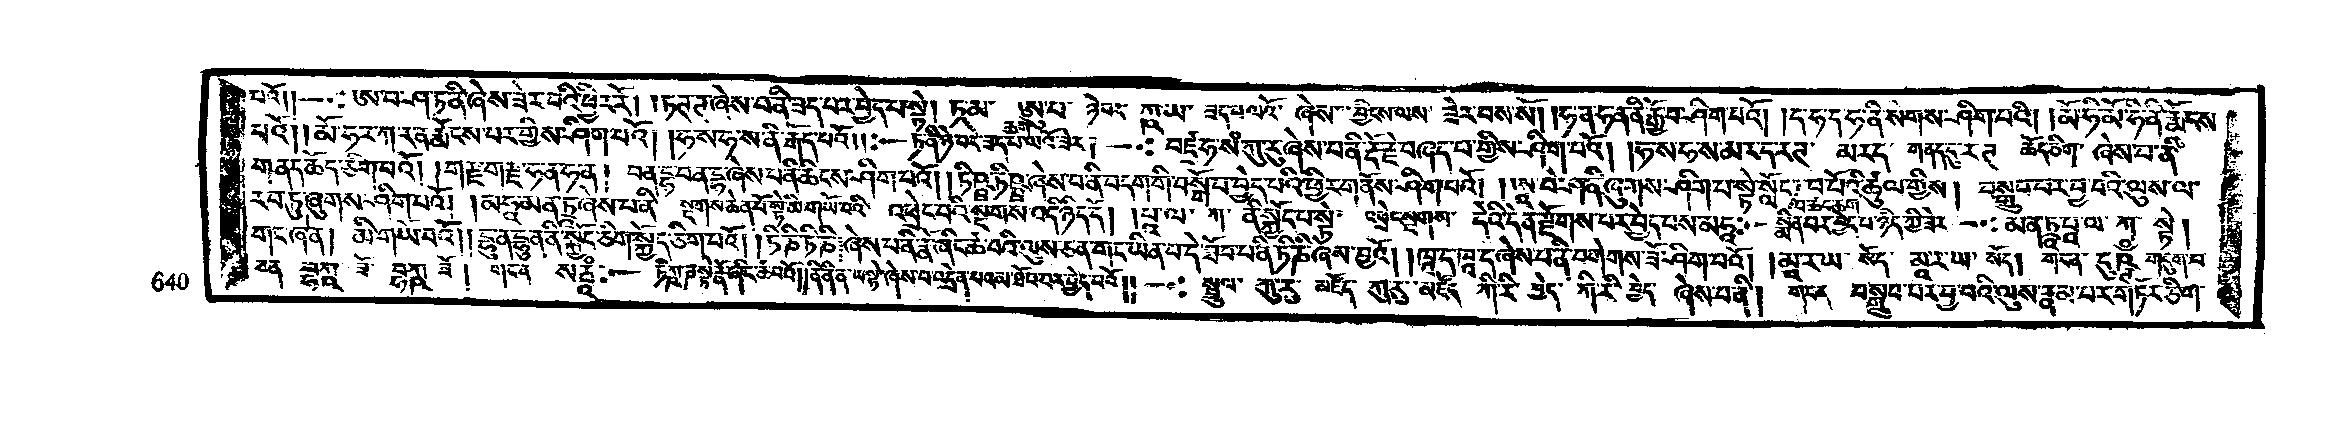པའོ།།.H ཨ་བ་ཤ་ཏ་ནི་ཞེས་ཟེར་བའི་ཕྱིར་རོ། །ཏཊ་ཊ་ཞེས་པ་ནི་ཟད་པར་བྱེད་པ་སྟེ། ཏ་མ་ཨུ་པ་ཉེ་བར་ཀྵ་ཡ་ཟད་པ་ལའོ་ཞེས་བྱིངས་ལས་ཟེར་བས་སོ། །ཧ་ན་ཧ་ན་ནི་རྒྱོབ་ཤིག་པའོ། །ད་ཧ་ད་ཧ་ནི་སེགས་ཤིག་པའོ། །མོ་ཧི་མོ་ཧི་ནི་རྨོངས་
པའོ། །མོ་ཧ་ར་ཀ་ར་ན་རྨོངས་པར་གྱིས་ཤིག་པའོ། །ཧ་ས་ཧ་ས་ནི་རྒོད་པའོ།།H.་ཏ་ནི་ཉེ་བར་ཟད་ཆག་པ་ལའི་ཟེར.H བཛྲ་ཧ་སཾ་ཀུ་རུ་ཞེས་པ་ནི་རྡོ་རྗེ་བཞད་པ་གྱིས་ཤིག་པའོ། །ཧ་ས་ཧ་ས་མར་ད་ར་ཊ་མར་ད་གནང་དུ་རཊ་ཆོད་ཅིག་ཞེས་པ་ནི་
གནད་ཚེད་ཅིག་པའོ། །ག་རྫ་ག་རྫ་ཧ་ན་ཧ་ན། བན་དྷ་བན་དྷ་ཞེས་པ་ནི་ཆིང་ཤིག་པའོ། །ཏི་ཥཊཿཨ་ཏི་ཥཊཿཨ་ཞེས་པ་ནི་བདག་གི་བསྒོ་བ་བྱེད་པའི་ཕྱིར་གནས་ཤིག་པའོ། །ཨཱ་བེ་ཤ་ནི་ཞུགས་ཤིག་པ་སྟེ་སློང་བ་པོའི་ཚུལ་གྱིས། བསྒྲུབ་པར་བྱ་བའི་ལུས་ལ་
རབ་ཏུ་ཞུགས་ཤིག་པའོ། །མཧཱ་མན་ཏཱ་ཞེས་པ་ནི་སྔགས་ཅེན་པོ་སྟེ་མི་གཡོ་བའི་འཕྲེང་བའི་སྔགས་འདི་ཉིད་དོ། །པཱ་ལ་ཀ་ནི་སྐྱོད་པ་སྟེ་འཕྲེང་སྔགས་དེའི་དེ་ན་རྫོགས་པར་བྱེད་པས་མཧཱཿ་སྨིན་པར་པ་ཚབ་ཆག་བྱེད་པ་ཉིད་ཀྱི་ཟེར།.H མན་ཏྲཱ་པཱ་ལ་ཀ་སྟེ།
གང་ཞེ་ན། མི་གཡོ་བའོ། །དྷུ་ན་དྷུ་ན་ནི་སྐྱོད་ཅིག་སྐྱོད་ཅིག་པའོ། །ཏི་ཎི་ཏི་ཎི། ཞེས་པ་ནི་རྣོ་ཞིང་ཚ་བའི་ལུས་ཅན་གང་ཡིན་པ་དེ་ཐོབ་པ་ནི་ཏི་ཎི་ཞེས་བྱའོ། །ཁཱ་ད་ཁའ་ད་ཞེས་པ་ནི་བགེགས་ཟོ་ཤིག་པའོ། །མཱ་ང་ཡ་སོད་མཱ་ར་ཡ་སོད། གང་ན་དུ་ཥྚཾ་གདུག་པ་
ན་བྷ་ཀཥ་ཟོ་བྷ་ཀཥ་ཟོ། གང་ན་སརྦྷཱཾཿ་ཏིཀྵ་ཥ་སྟེ་རྣོ་ཞིང་ཚ་བའོ། །ན་ནི་ན་ཡ་སྟེ་ཞེས་པ་འདྲེན་པའམ་ཐོབ་པར་བྱེད་པའོ།།.H སྤྲུལ་ཀུ་རུ་མཛོད་ཀུ་རུ་མཛོད་ཀི་རི་བྱེད་ཀི་རི་བྱེད་ཞེས་པ་ནི། གང་ན་བསྒྲུབ་པར་བྱ་བའི་ལུས་རྣམ་པར་གཏོར་ཅིག་